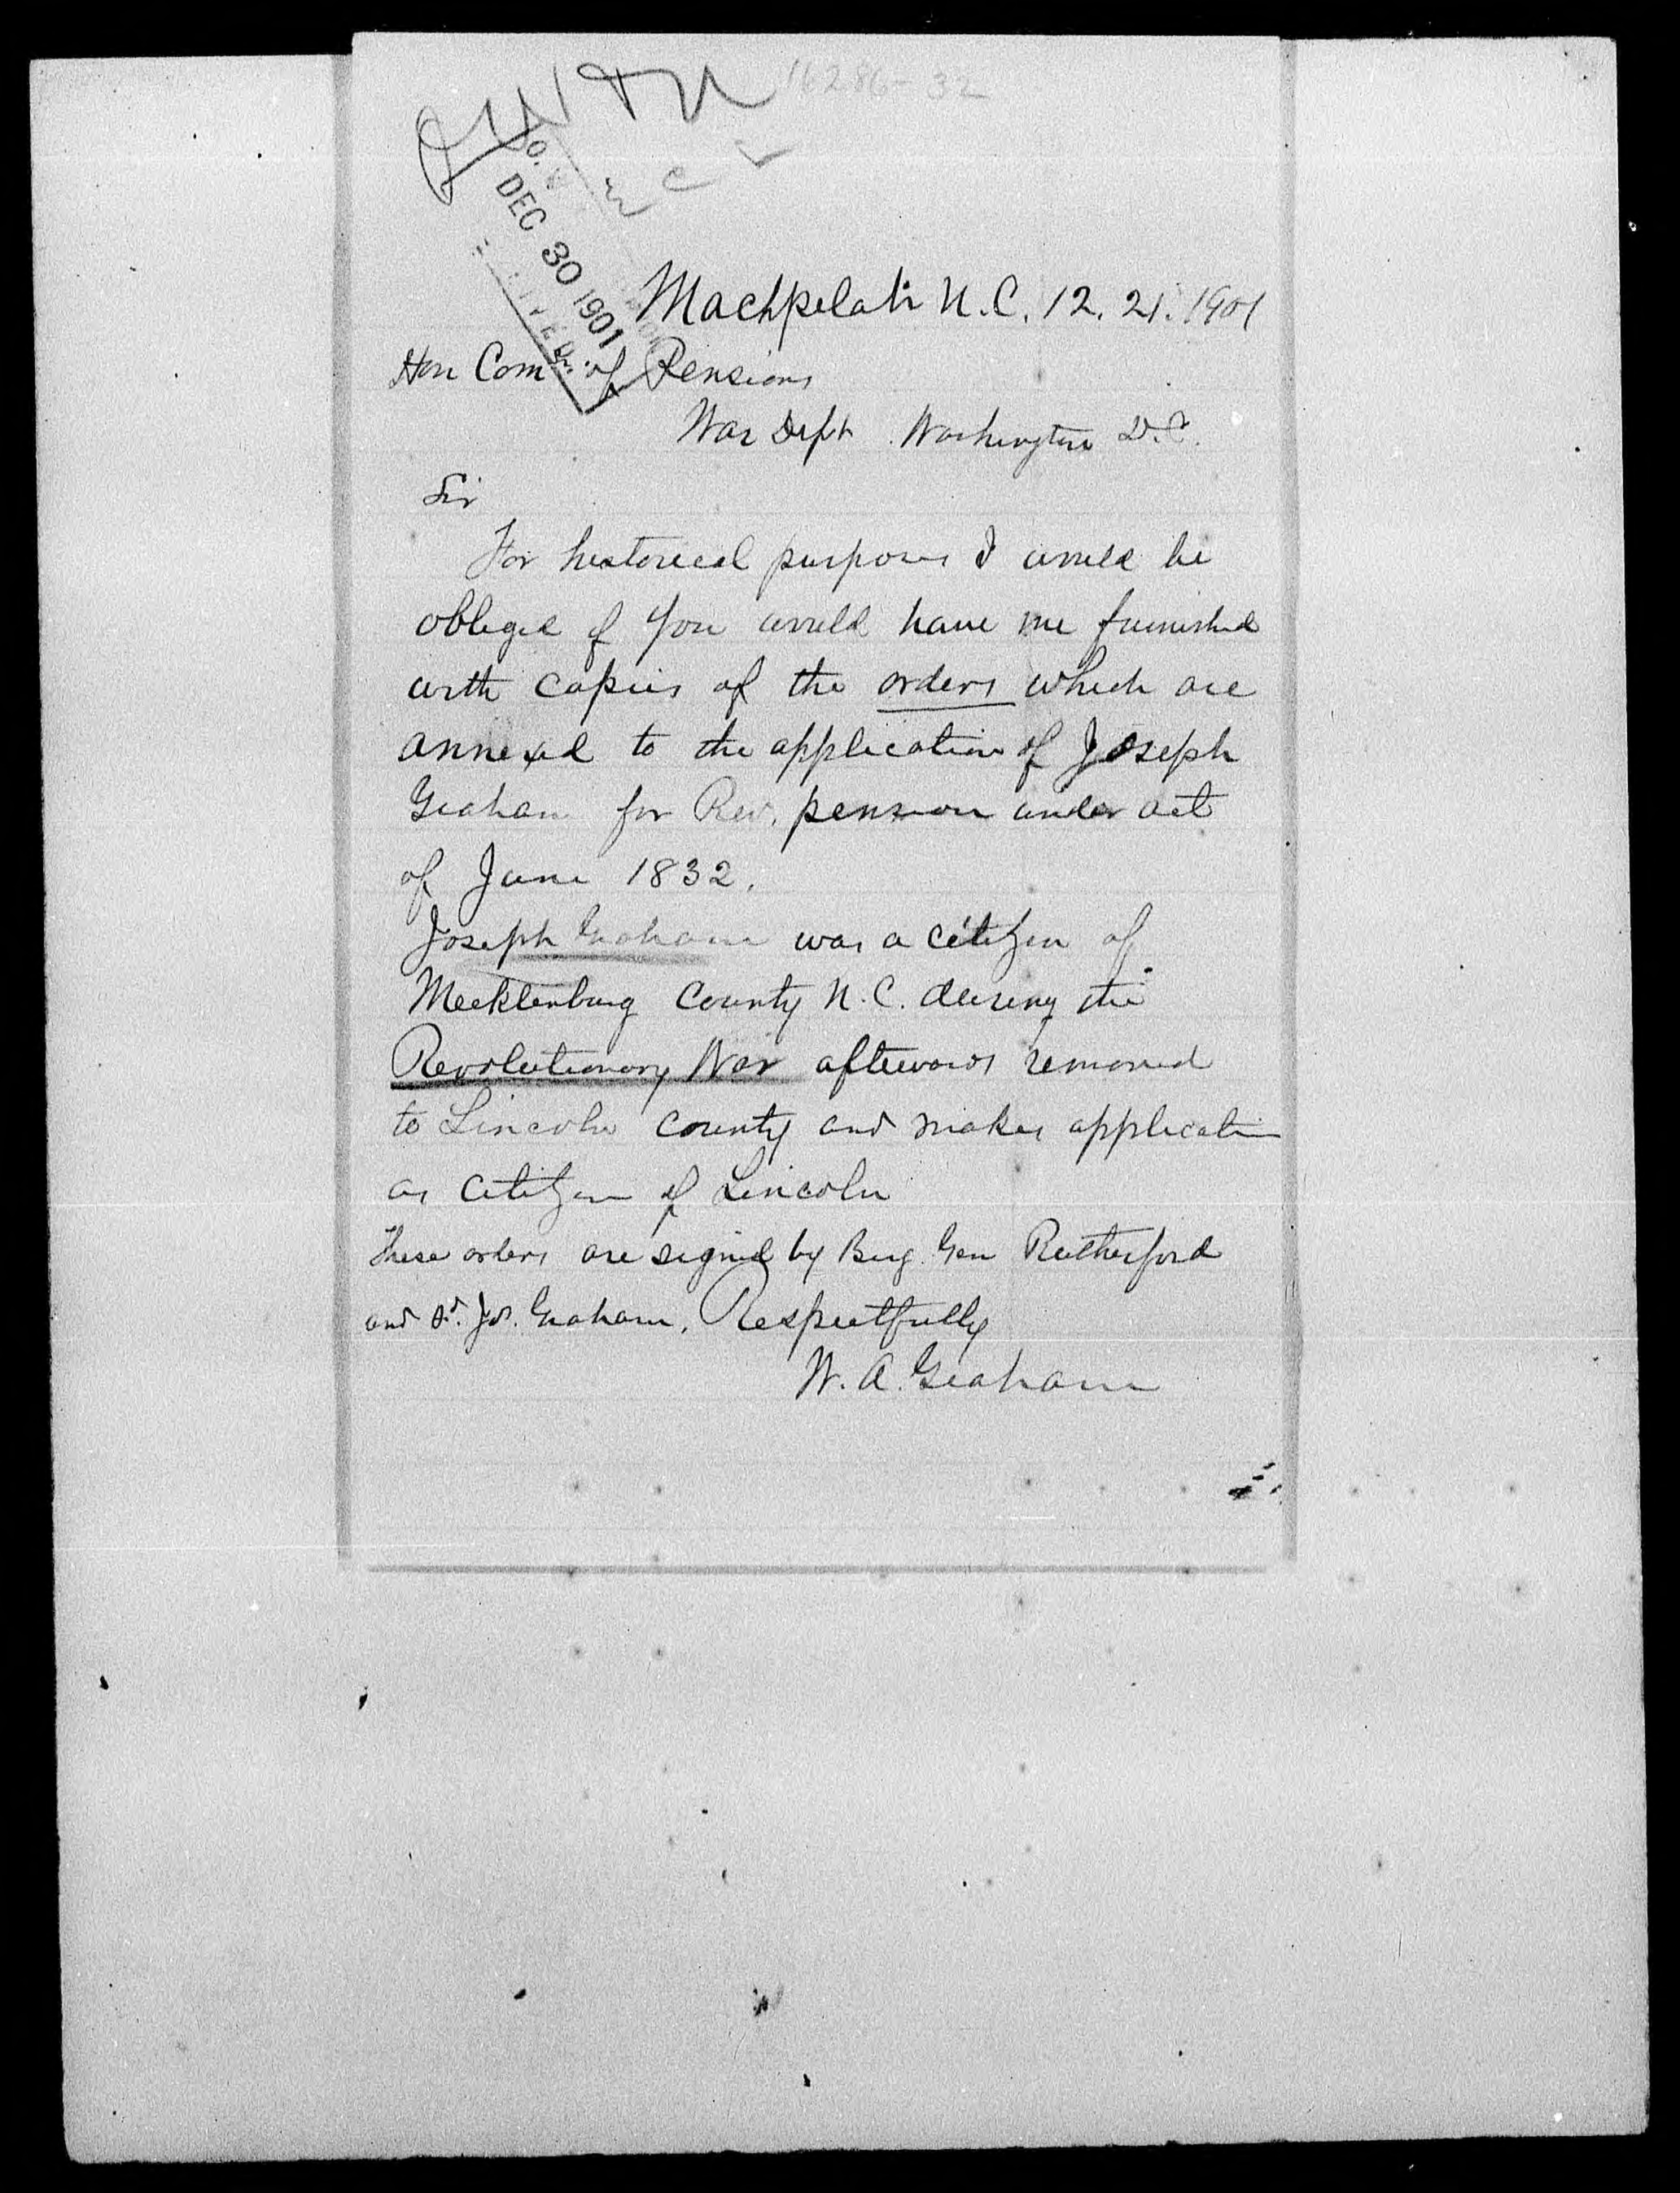ow&n 16286-32
ECL

Machpelah N.C. 12.21.1901

Hon. Com. of Pensions
War Dept. 
Washington D. C.

Sir

For historical purposes I would be obliged if you would have me furnished with copies of the orders which are annexed to the application of Joseph Graham for Rev. pension under act of June 1832.
Joseph Graham was a citizen of Mecklenburg County N. C. during the Revolutionary War afterwards removed to Lincoln county and makes application as citizen of Lincoln. These orders are signed by Brig. Gen. Rutherford and sd. Jos. Graham.
Respectfully
W. A. Graham
[Signature]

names: Joseph Graham, W A Graham, Rutherford, Jos Graham, Joseph Graham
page: 30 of 55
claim: survivor's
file: S. 6,937, Joseph Graham, N.C.